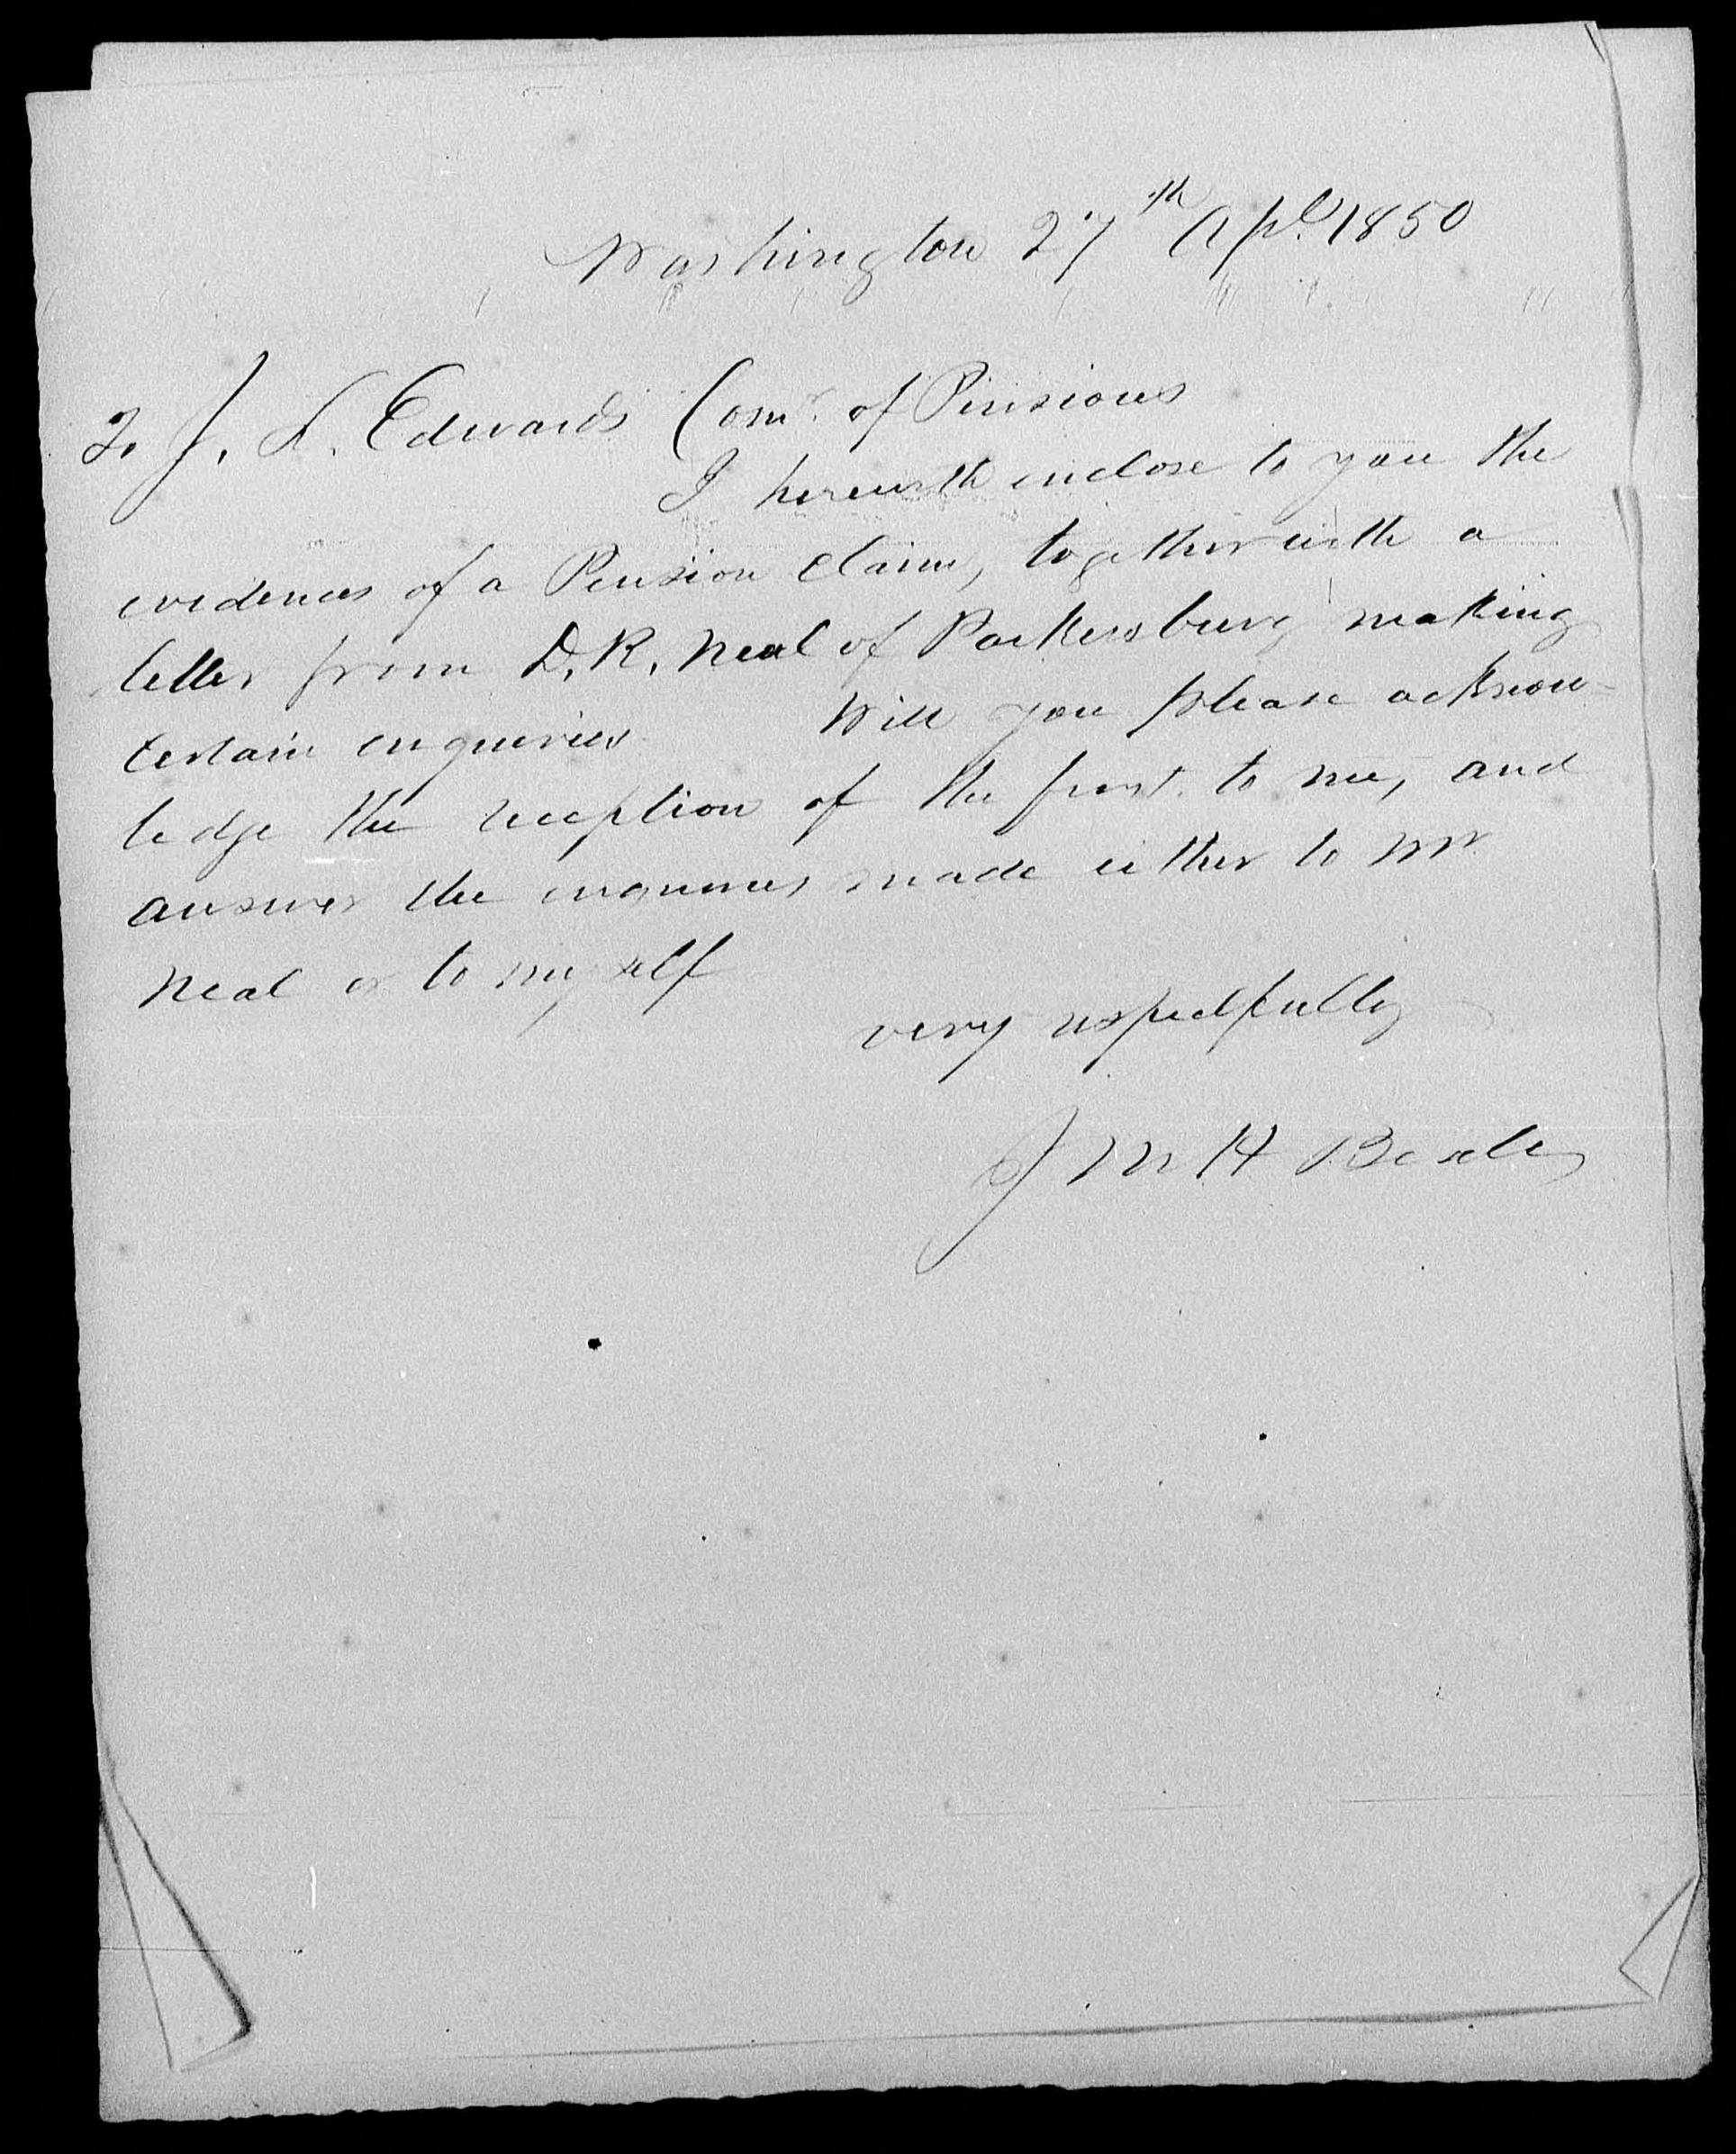Washington 27th April 1850

L J. L. Edwards Com. of Pensions
I hereunto [illegible] to you the widow of a Pension claim, together with a letter from D. R. Neal of Parkersburg[?] making certain [illegible] Will you please acknowledge the reception of the [illegible] to me, and [illegible] the [illegible] made in [illegible] to Mr Neal or to my self

very respectfully
Jm H. Beale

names: J L Edwards, D R Neal, J M H Beale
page: 28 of 35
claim: widow's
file: W 7007, John Devericks, Va.